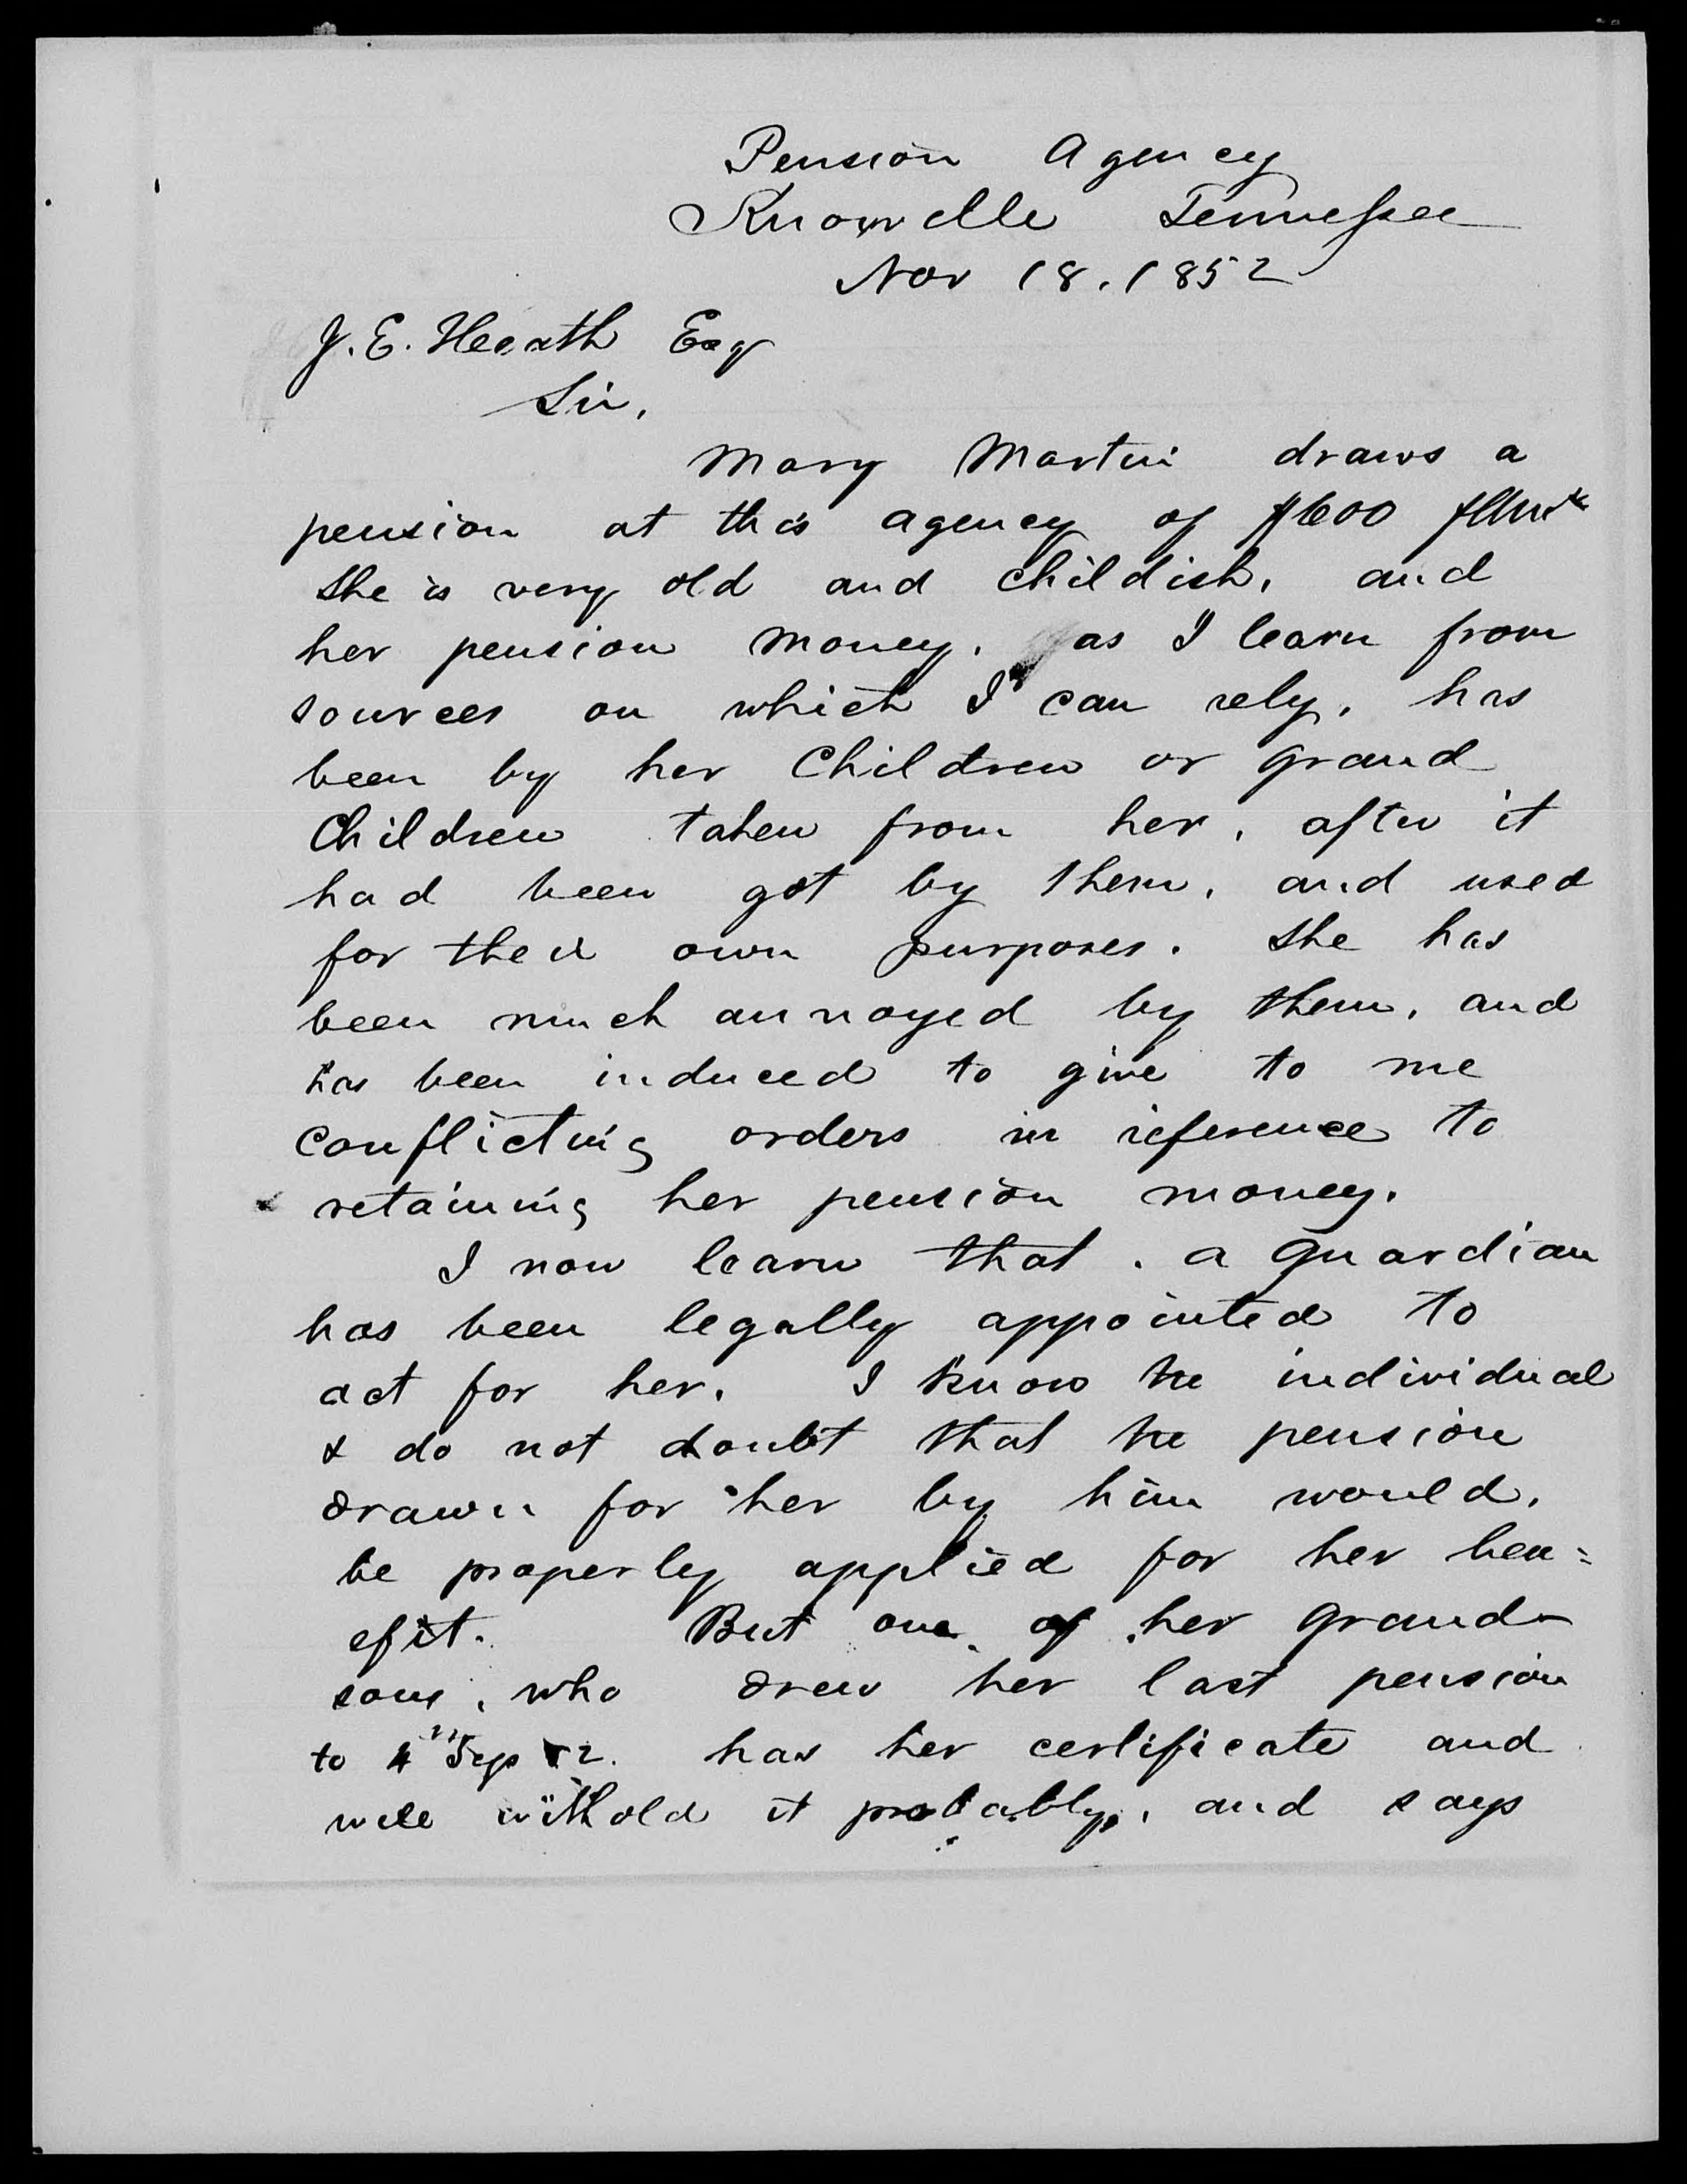Pension Agency 
Knoxville Tennessee 
Nov 18, 1852 

J. E. Heath Esq 
Sir, 
Mary Martin draws a 
pension at this agency of $600 prann [per annum]
She is very old and childish, and 
her pension money, as I learn from 
sources on which I can rely, has 
been by her children or grand 
children taken from her, after it 
had been got by them, and used 
for their own purposes.  She has 
been much annoyed by them, and 
has been induced to give to me 
conflicting orders in reference to 
retaining her pension money. 
I now learn that a guardian 
has been legally appointed to 
act for her. I know the individual 
& do not doubt that the pension 
drawn for her by him would 
be properly applied for her ben=
efit.  But one of her grand
sons, who drew her last pension to 
4th Sep [illegible]2 has her certificate and 
will withhold it probably, and says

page: 22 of 120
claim: widow's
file: W. 1044, for Salathiel Martin, North Carolina